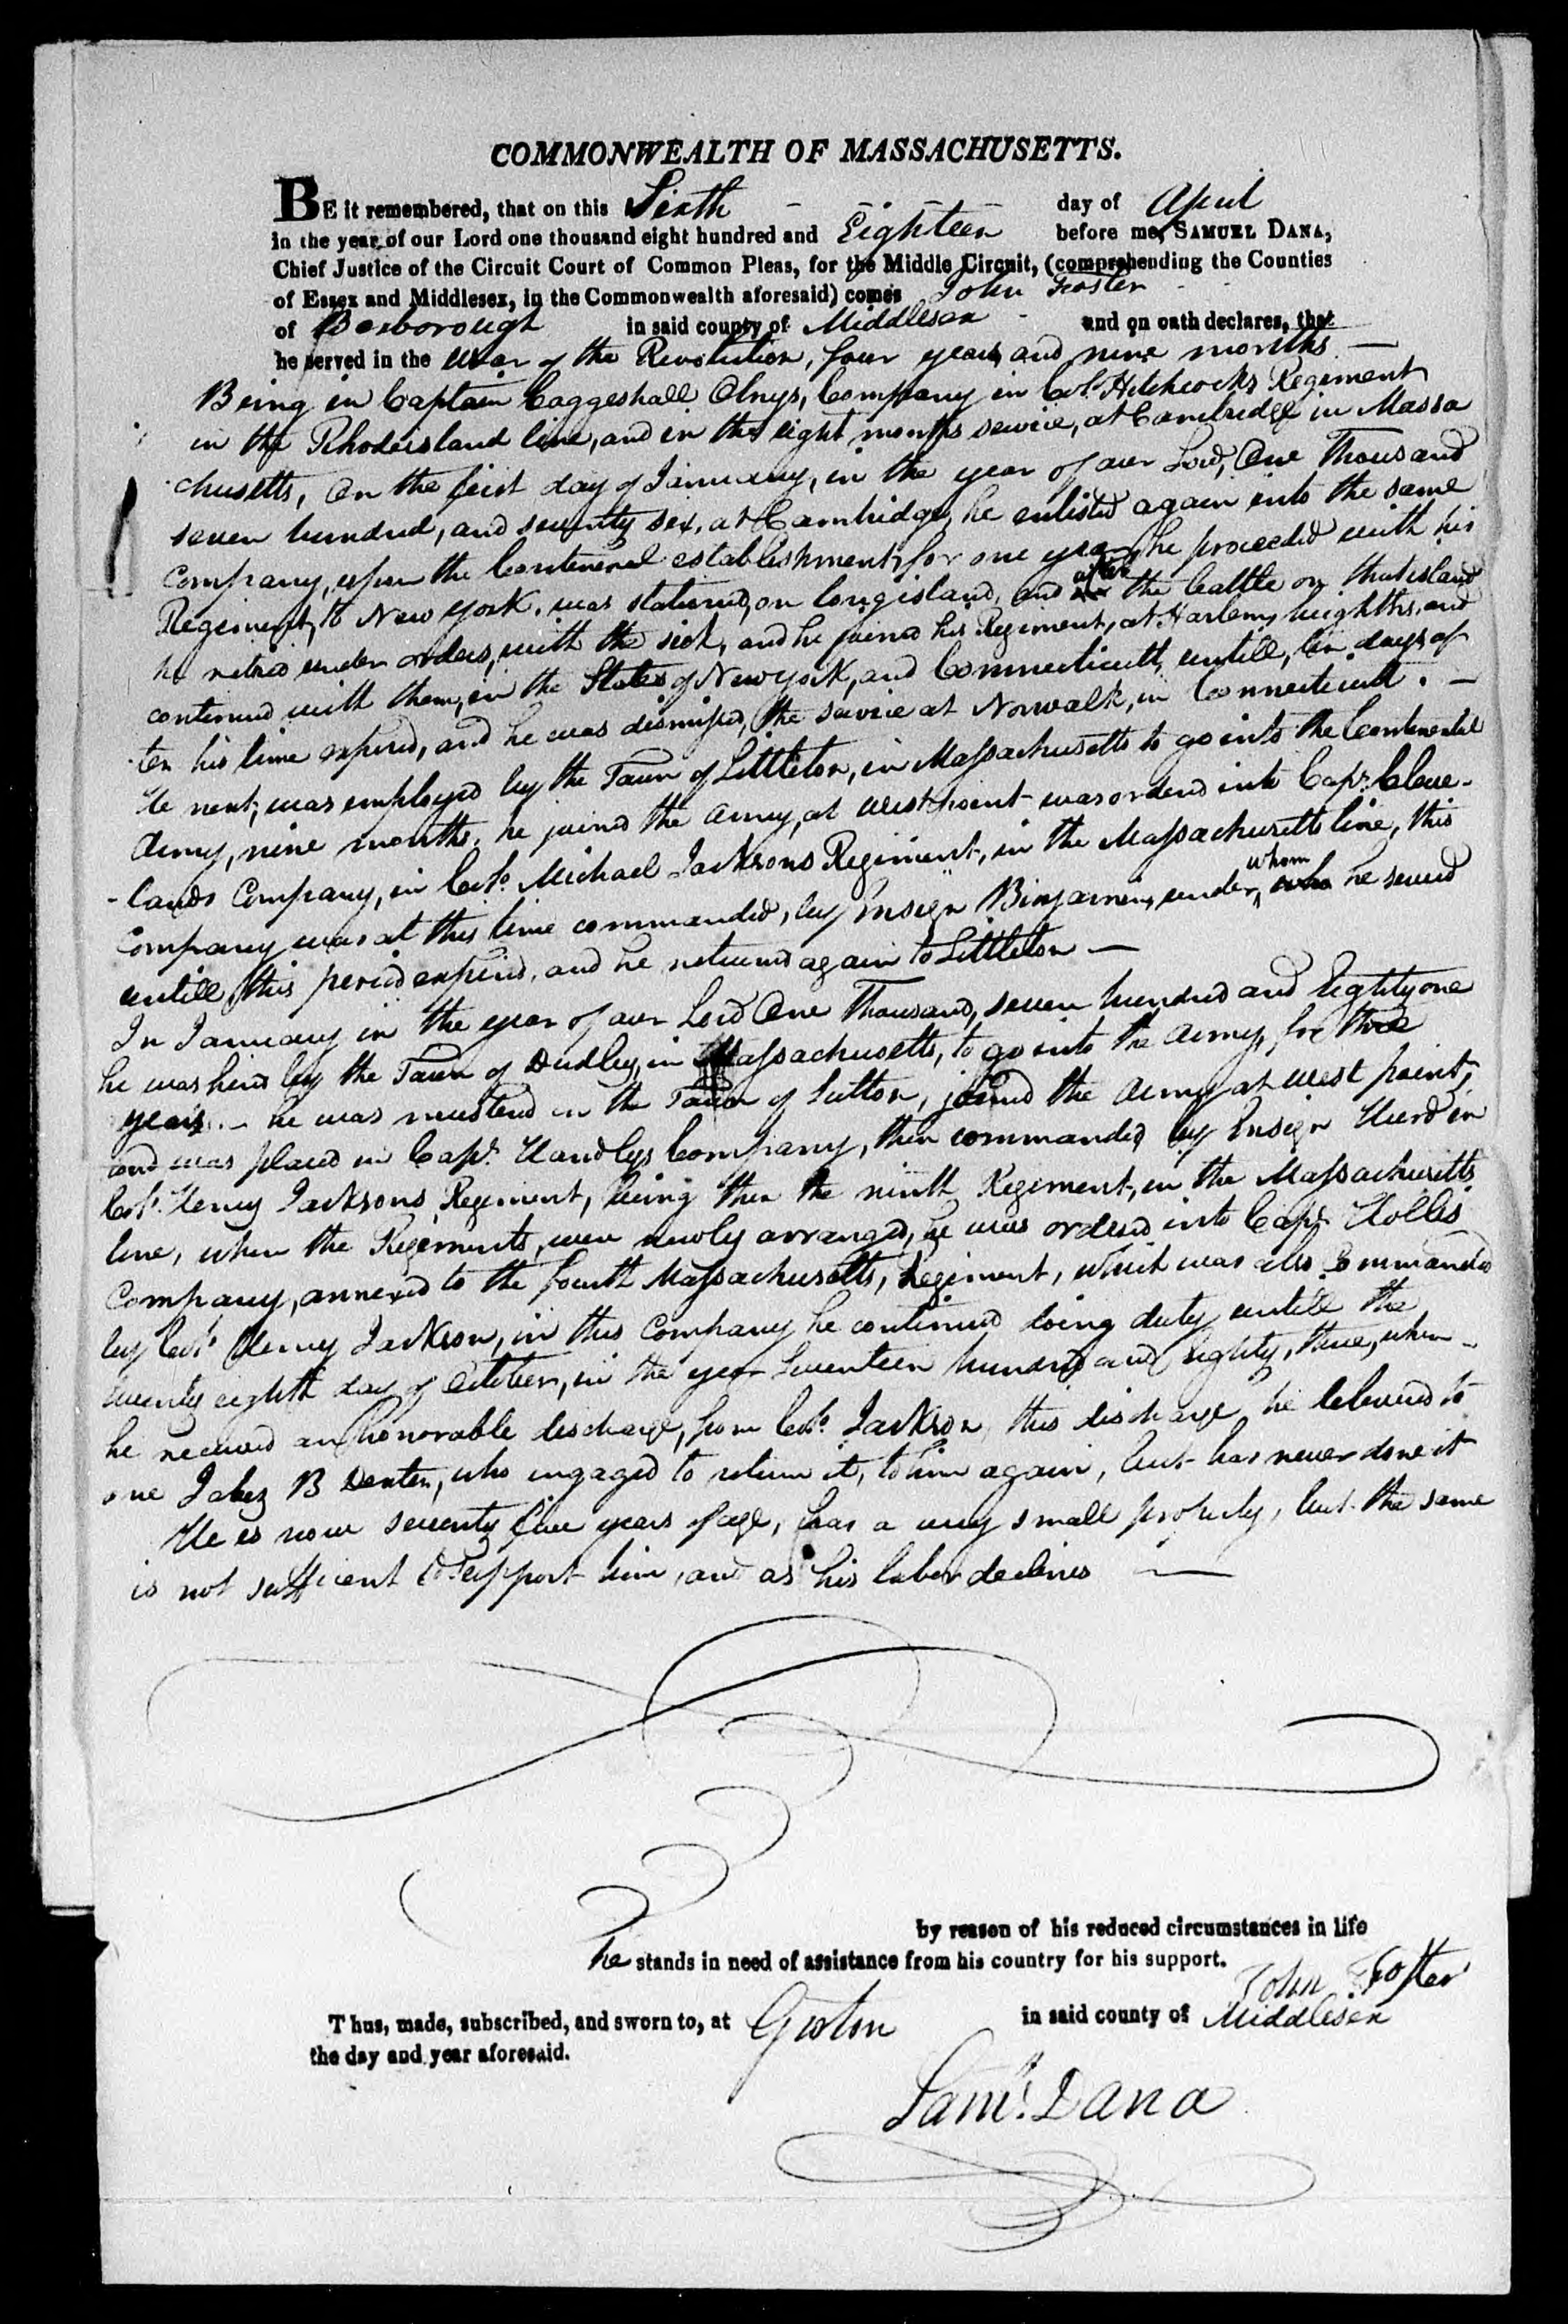COMMONWEALTH OF MASSACHUSETTS.
Be it remembered, that on this Sixth day of April in the year of our Lord one thousand eight hundred eighteen before me, Samuel Dana, Chief Justice of the Circuit Court of Common Pleas, for the Middle Circuit, (comprehending the Counties of Essex and Middlesex, in the Commonwealth aforesaid) John Foster of Barborough in said county of Middlesex and on oath declares that he served in the War of the Revolution, four years and nine months.-
Being in Captain Caggeshall Olneys Company in Col Hitchcocks Regiment in the Rhodeisland [Rhode Island] line, and in the eight months service, at Cambridge in Massachusetts, on the first day of January, in the year of our Lord, one thousand seven hundred and seventy six, at Cambridge, he enlisted again into the same Company, upon the Continental establishment for one year.  he proceeded with his Regiment, to New York, was stationed on long island and ["in" crossed out] ^after the battle on that island he entered under orders with the sick, and he joined his Regiment at Harlem heighths [heights], and continued with them, in the States of New York, and Connecticutt [Connecticut] untill, ten days after his time expired, and he was dismissed, the service at Norwalk, in Connecticut.- 
He next was employed by the Town of Littleton, in Massachusetts to go into the Continental Army, nine months.  he joined the army, at West Point was ordered into Capt. Clevelands Company, in Capt Michael Jacksons Regiment, in the Massachusetts line, this company was at this time commanded by Ensign Binjamin, under ^whom he served untill this period expired, and he returned again to Littleton-
In January in the year of our Lord one thousand seven hundred and eighty one he was hired by the Town of Dudley in Massachusetts, to go into the army for three years.- he was mustered in the Town of Sutton, joined the Army at west point, and was placed in Capt. Wandlys Company, then commanded by Ensign Ward in Capt. Henry Jacksons Regiment, being then the ninth Regiment, in the Massachusetts line, when the Regiments were newly arranged he was ordered into Capt Hollis Company, annexed to the fourth Massachusetts Regiment,which was also commanded by Col Henry Jackson, in this company he continued doing duty untill the twenty eighth day of October, in the year seventeen hundred and eighty three when he received an honorable discharge, from Colo. Jackson. this discharge he delivered to one Jabez B Denten, who engaged to return it to him again, but has never done it
He is now seventy five years of age, has a very small property, but the same is not sufficient to support him and as his labor declines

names: Jackson, Saml Dana, Benjamin, Hurd, Henry Jackson, John Foster, Jabez B Dexter, John Foster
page: 6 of 47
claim: widow's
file: W. 7,302, John Foster, Continental Mass. R.I.